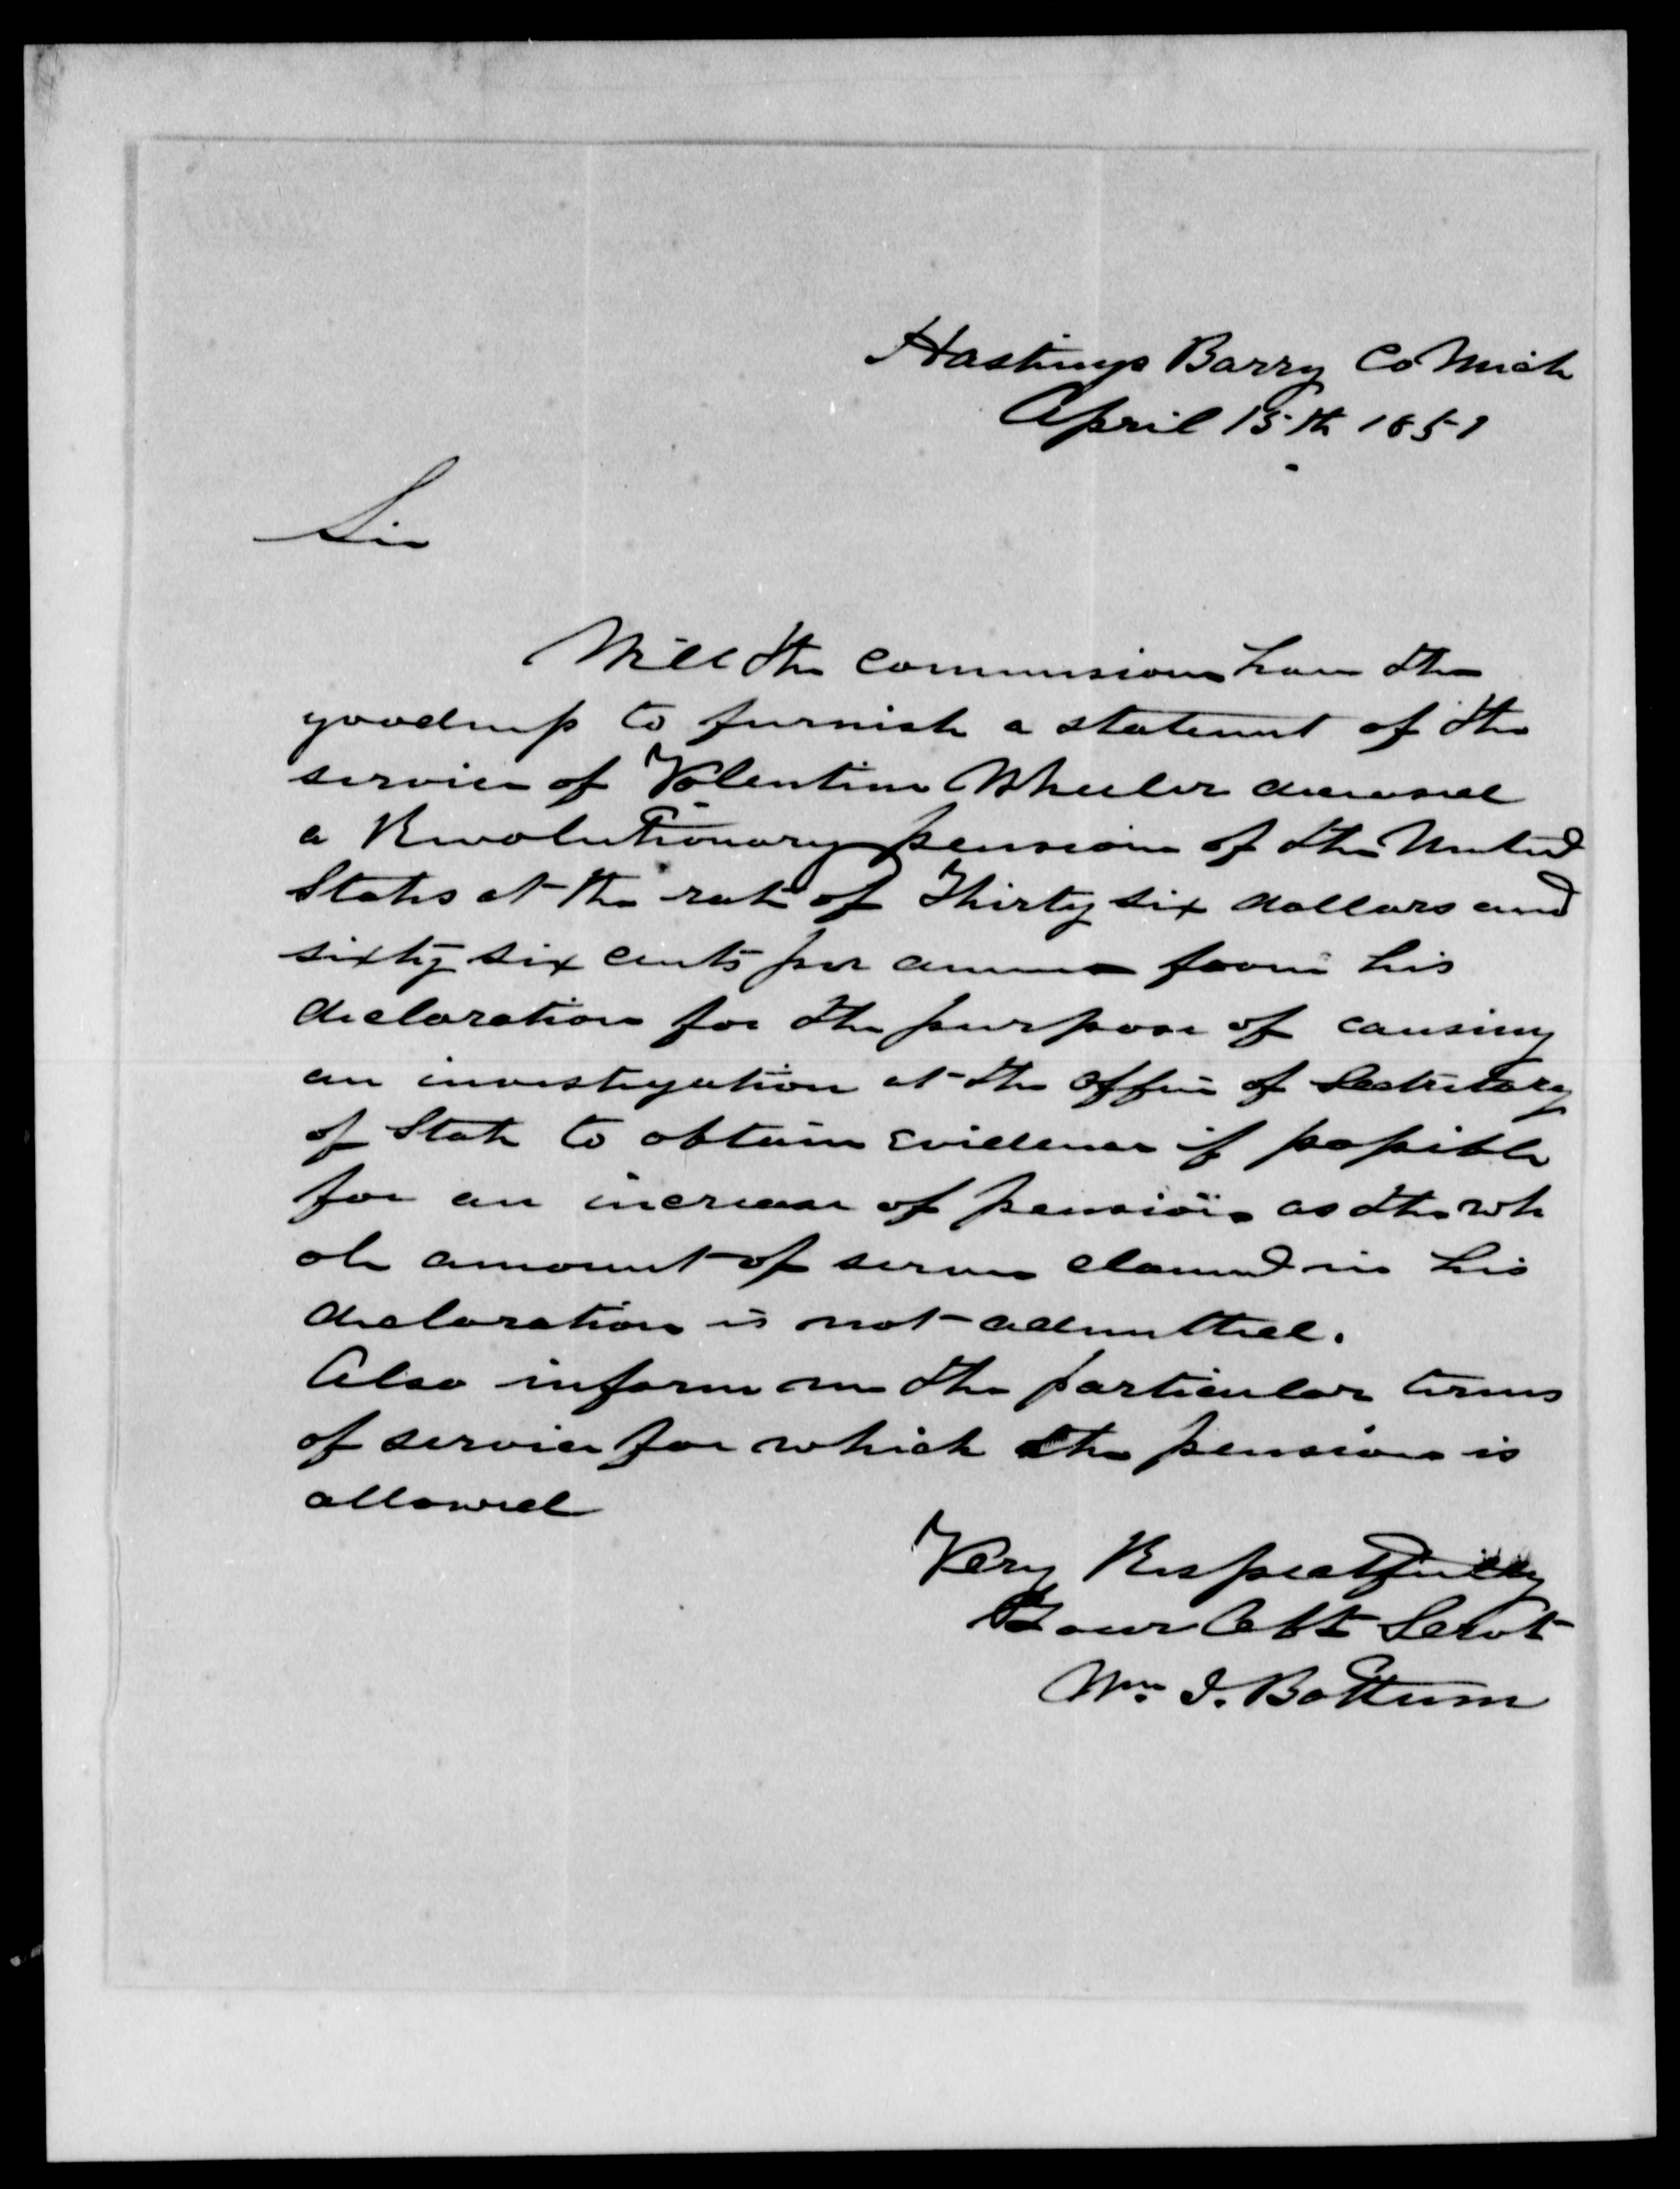Hastings Barry Co. Mich.
April 13th 1851

Sir,
Will the commissioner have the goodness to furnish a statement of the service of Valentine Wheeler deceased, a Revolutionary pensioner of the United States at the rate of Thirty six dollars and sixty six cents per annum from his declaration for the purpose of causing an investigation at the office of Secretary of State to obtain evidence is possible for an increase of pension as the whole amount of service claimed in his declaration is not admitted.
Also inform me on the particular terms of service for which the pension is allowed.
Very Respectfully
Your obt.  servt.
Wm. J. Bottum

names: Wm J Bottum, Volentine Wheeler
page: 66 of 98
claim: widow's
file: W. 1682, Valentine Wheeler, Mass.